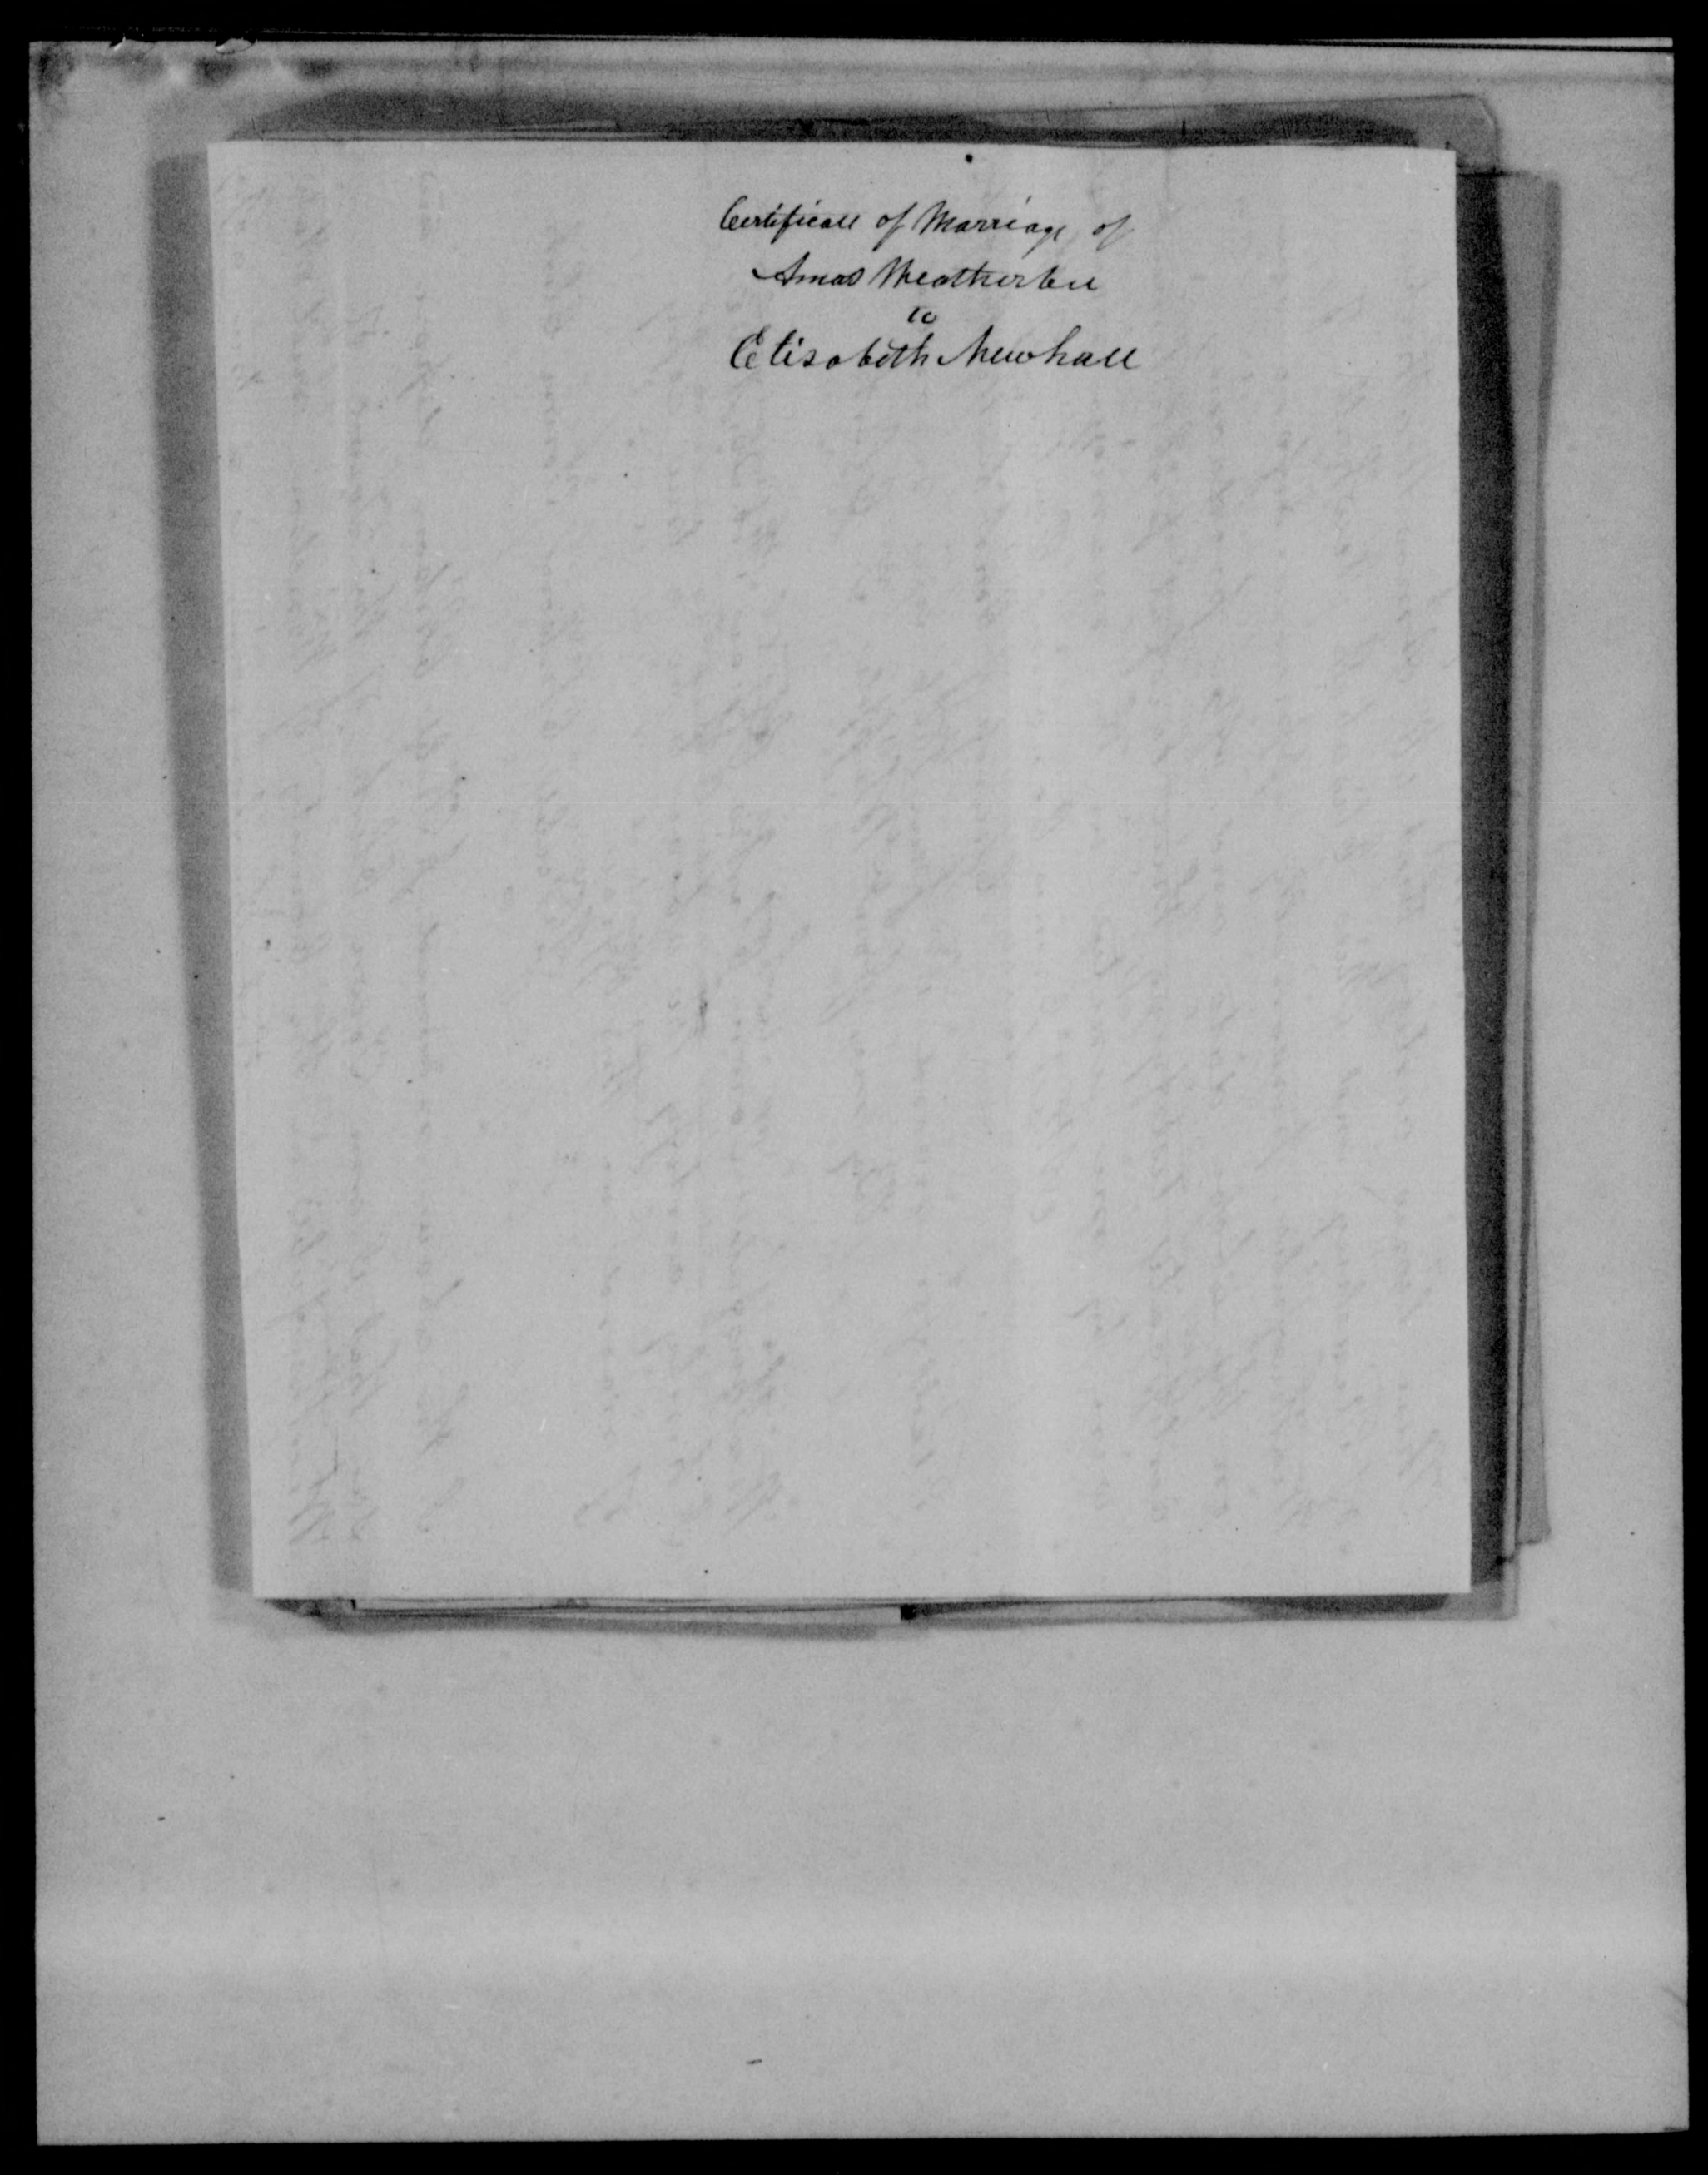Certificate of Marriage of Amos Weatherbee to Elisabeth Newhall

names: Elisabeth Newhall, Amos Weatherbee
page: 17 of 66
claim: widow's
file: W. 2468, Amos Wetherbee, Mass.